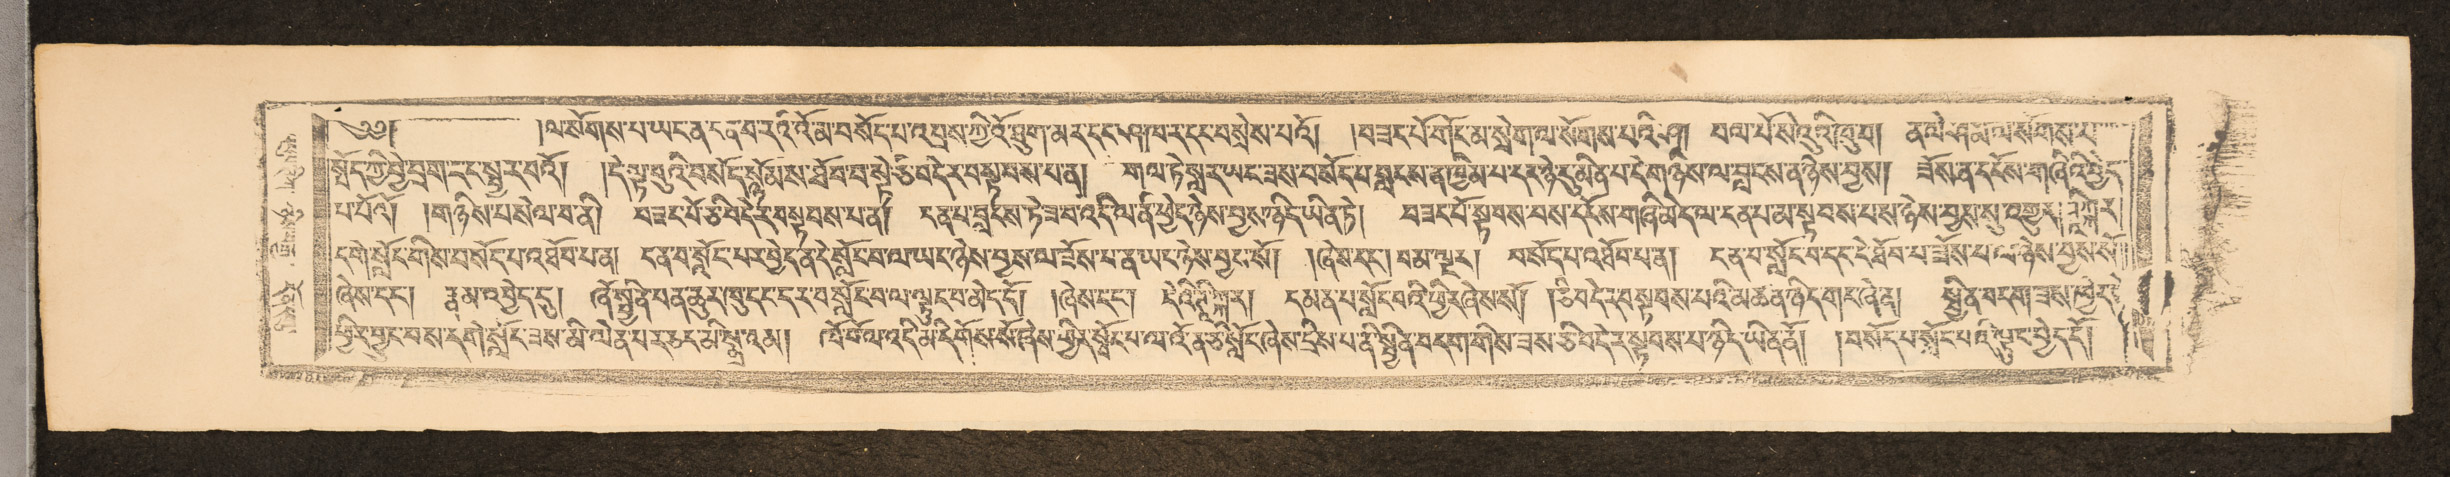༄༅། །ལ་སོགས་པ་ཡང་ན་ངན་པ་རའི་འོ་མ་བསོད་པ་འབྲས་ཀྱི་འོ་ཐུག་མར་དང་ཤ་ཁ་ར་དང་བསྲེས་པའོ། །བཟང་པོ་གོང་མ་སྲེག་ལ་སོགས་པའི་ཤ། བལ་པོ་སེའུའི་ཁུ་བ། ན་ལེ་ཤམ་ལ་སོགས་པ་
སྤོད་ཀྱི་བྱེ་བྲག་དང་སྦྱར་བའོ། །དེ་ལྟ་བའི་བསོད་སྙོམས་ཐོབ་བ་སྟེ་ཅི་བདེར་བསྟབས་པ་ན། གལ་ཏེ་སླར་ཡང་ཟས་བསོད་པ་བླངས་ན་ཁྱིམ་པ་དང་ཉེ་དུ་མིན་པ་དེ་གཉིས་ལ་བླངས་ན་ཉེས་བྱས། ཟོས་ན་དངོས་གཞིའི་བྱེད་
པ་པོའོ། །གཉིས་པ་སེལ་བ་ནི། བཟང་པོ་ཅི་བདེར་བསྟབས་པ་ན། ངན་པ་བླངས་ཏེ་ཟ་བ་འདི་ལ་ནི་ཕྱེད་ཉེས་བྱས་ཉིད་ཡིན་ཏེ། བཟང་པོ་སྟབས་པས་དངོས་གཞི་མེད་ལ་ངན་པ་མ་སྟབས་པས་ཉེས་བྱས་སུ་འགྱུར། ཊཱིཀྐར།
དགེ་སློང་གིས་བསོད་པ་འཐོབ་པ་ན། ངན་པ་སློང་བར་བྱེད་ན་དེ་སློང་བ་ལ་ཡང་ཉེས་བྱས་ལ་ཟོས་པ་ན་ཡང་ཉེས་བྱས་སོ། །ཞེས་དང་། བམ་ལྔར། བསོད་པ་འཐོབ་པ་ན། ངན་པ་སློང་བ་དང་དེ་ཐོབ་པ་ཟོས་པ་ལ་ཉེས་བྱས་སོ།།
ཞེས་དང་། རྣམ་འབྱེད་དུ། ཞོ་སྦྱིན་པན་ཆུར་ཁུ་དང་དར་བ་སློང་བ་ལ་ལྟུང་བ་མེད་དོ། །ཞེས་དང་། དེའི་ཊཱིཀྐར། དམན་པ་སློང་བའི་ཕྱིར་ཞེས་སོ། །ཅི་བདེ་རབ་སྟབས་པའི་མཚན་ཉིད་གང་ཞེ་ན། སྦྱིན་བདག་ཟས་ཁྱེར་ཏེ་
ཕྱིར་བྱུང་བས་དགེ་སློང་ཟས་མི་ལེན་པར་ཅང་མི་སྨྲའམ། ཁོ་བོ་ལ་འདི་མི་དགོས་སོ་ཞེས་ཕྱིར་སྤོང་བ་ལ་འོ་ན་ཅི་སློང་ཞེས་དྲིས་པ་ནི་སྦྱིན་བདག་གིས་ཟས་ཅི་བདེར་སྟབས་པ་ཉིད་ཡིན་ནོ། །བསོད་པ་སློང་བའི་ལྟུང་བྱེད་དོ། །